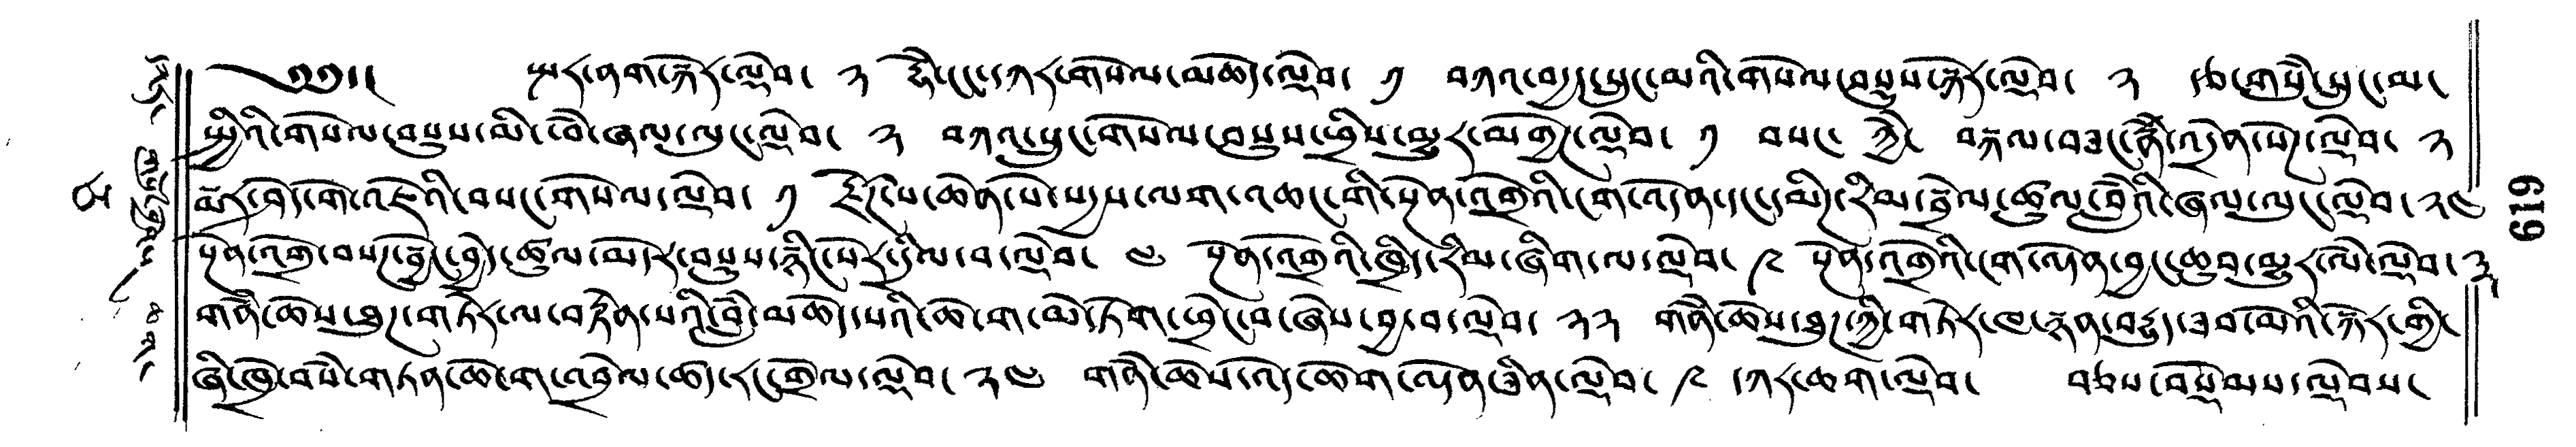སྤྲ་ནག་སྐོར་ལྡེབ། རྡོ་རྗེ་ངང་དཀར་གསོལ་མཆོད་ལྡེབ། བཀའ་བརྒྱད་སྲུང་མའི་གསོལ་བསྡུས་སྐོར་ལྡེབ། རྩ་གསུམ་སྲུང་མ་
སྤྱིའི་གསོལ་བསྡུས་མི་ཕམ་ཞལ་ལུང་ལྡེབ། བཀའ་སྲུང་གསོལ་བསྡུས་ཕྲིན་ལས་མྱུར་མགྱོགས་ལྡེབ། བསང་། ཀྱཻ། བསྐལ་བཟང་རྣམ་འདྲེན་སོགས་ལྡེབ། 
སྨྲ་ཤོད་གོ་འཇོའི་བསང་གསོལ་ལྡེབ། རྫོགས་པ་ཆེན་པོ་སངས་རྒྱས་ལག་འཆང་གི་སྔོན་འགྲོའི་ངག་འདོན་དང་དམིགས་རིམ་སྦྲེལ་ཚུལ་བླ་མའི་ཞལ་ལུང་ལྡེབ།
སྔོན་འགྲོ་བསགས་སྦྱོང་བྱེད་ཚུལ་མདོར་བསྡུས་སྙིང་པར་དྲིལ་བ་ལྡེབ། སྔོན་འགྲོའི་ཁྲིད་རིམ་ཞིག་ལ་ལྡེབ། སྔོན་འགྲོའི་ངག་འདོན་བྱང་ཆུབ་མྱུར་ལམ་ལྡེབ། 
གནམ་ཆོས་ཐུགས་གཏེར་ལ་བརྟེན་པའི་བླ་མ་མཆོད་པའི་ཆོ་ག་མེ་ཏོག་ཕྲེང་བ་ཞེས་བྱ་བ་ལྡེབ། གནམ་ཆོས་ཐུགས་ཀྱི་གཏེར་ཁ་སྙན་བརྒྱུད་ཟབ་མོའི་སྐོར་གྱི་
ཞི་ཁྲོ་བསམ་གཏན་ཆོ་ག་འབྲེལ་ཚད་རང་གྲོལ་ལྡེབ། གནམ་ཆོས་འོད་ཆོག་འདོན་ཟིན་ལྡེབ། ཐོག་མར་དཀར་ཆག་རང་ཉིད་ལ་ལྡེབ། བཅས་བསྡོམས་ལྡེབ་